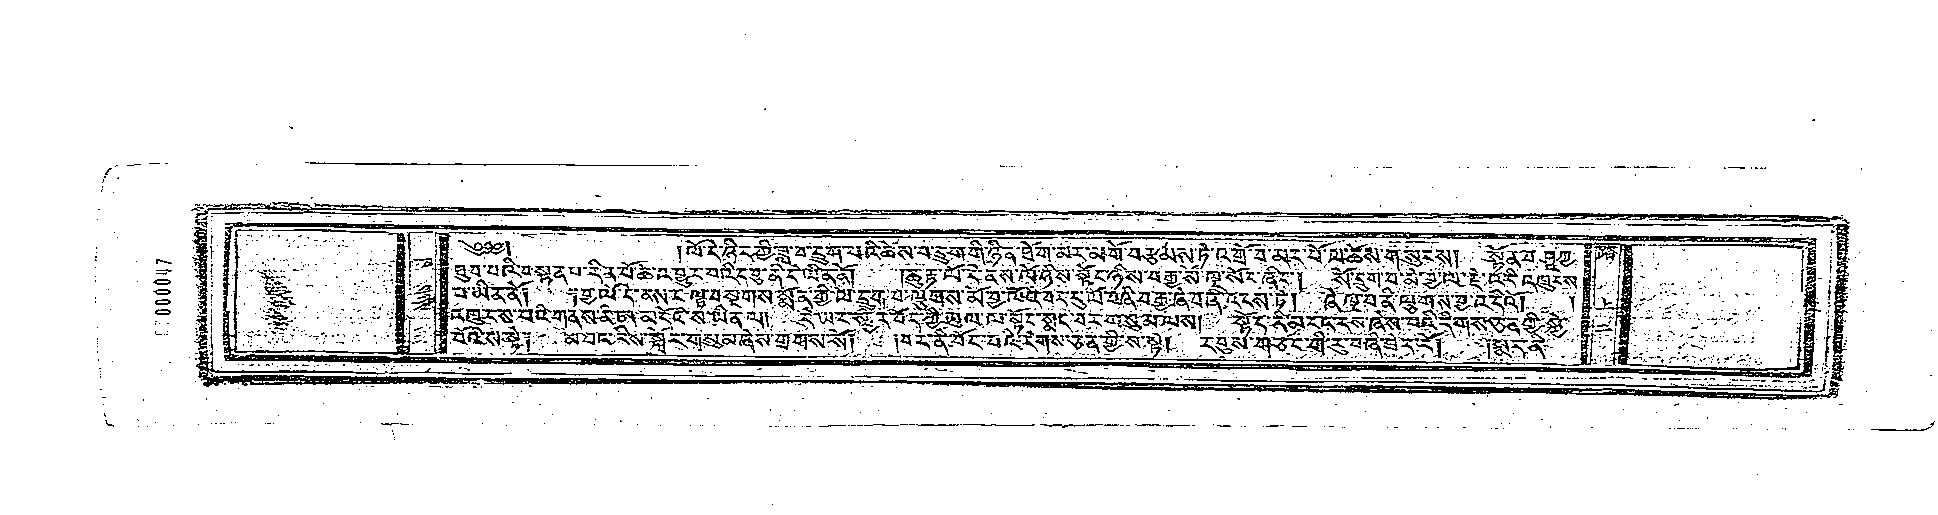༄༅༅། །ལོ་དེ་ཉིད་ཀྱི་ཟླ་བ་དྲུག་པའི་ཚེས་པ་དྲུག་གི་ཉིན་ཐོག་མར་མགོ་བརྩམས་ཏེ་འགྲོ་བ་མང་པོ་ལ་ཆོས་གསུངས། སྟོན་བ་ཤཱཀྱ་
ཐུབ་པའི་བསྟན་པ་རིན་པོ་ཆེ་འབྱུང་བའི་དབུ་ནི་དེ་ཡིན་ནོ། །ཆུ་རྟ་ལོ་དེ་ནས་ལོ་ཉིས་སྟོང་ཉིས་བརྒྱ་སོ་ལྔ་སོང་ཞིང་། སོ་དྲུག་བ་མེ་བྱ་ལ་རྗེ་འདི་འཁྲུངས་
པ་ཡིན་ནོ། ༑བྱ་ལོ་དེ་ནས་ད་ལྟ་བསྔགས་སྨོན་གྱི་ལོ་དྲུག་པ་ལྕགས་མོ་བྱ་ལོའི་བར་དུ་ལོ་བཞི་བརྒྱ་ཞེ་བཞི་འདས་ཏེ། ཞེ་ལྔ་པ་ནི་ལྕགས་བྱ་འདིའོ། །
འཁྲུངས་པའི་གནས་ནི་ཨ་མདོའི་ས་ཡིན་ལ། དེ་ཡང་སྤྱིར་བོད་ཀྱི་ཡུལ་ལ་སྟོང་སྨད་བར་གསུམ་ལས། སྟོད་ནི་མངའ་རིས་ཞེས་པའི་རིགས་ཅན་གྱི་སྐྱེ་
བོའི་ས་སྟེ༑ མངའ་རིས་སྐོར་གསུམ་ཞེས་གྲགས་སོ། །བར་ནི་བོད་བའི་རིགས་ཅན་གྱི་ས་སྟེ། དབུས་གཙང་གི་རུ་བཞི་ཟེར་རོ། །སྨད་ནི་